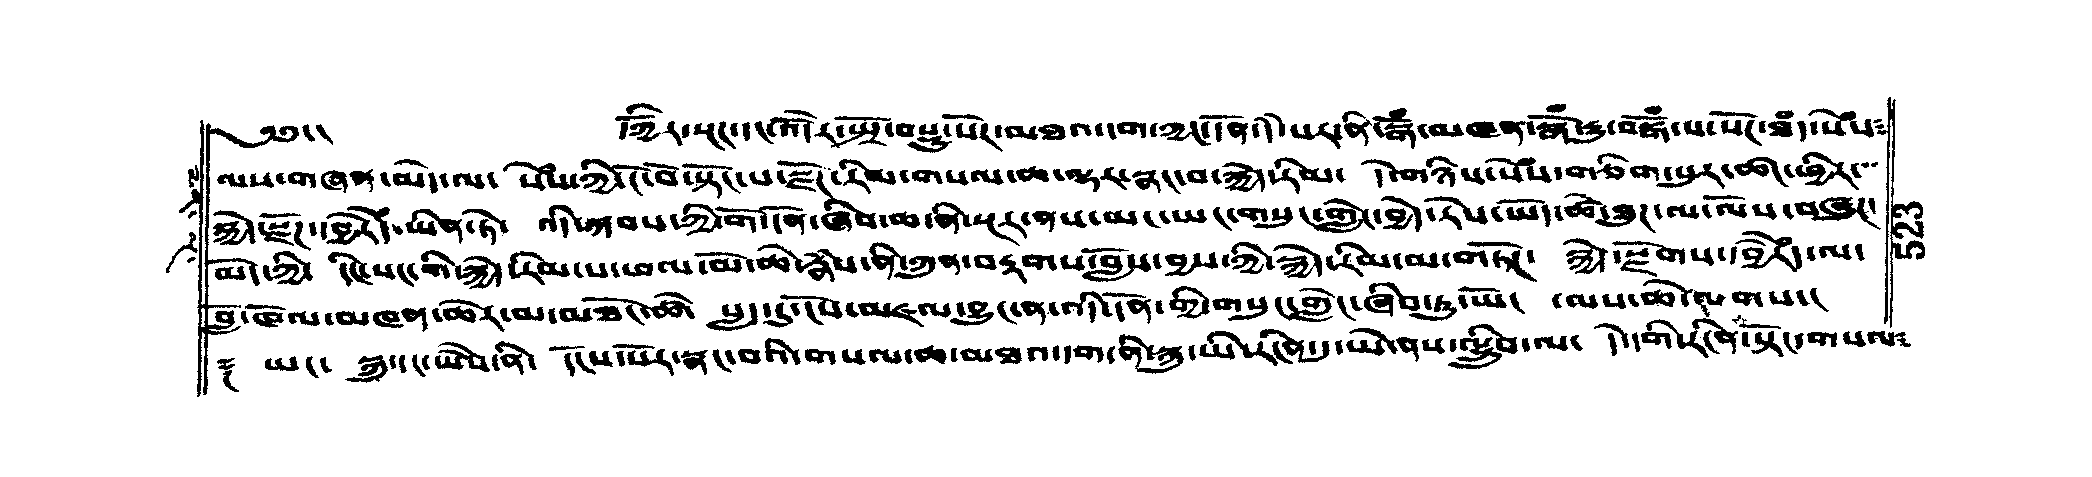དཀྱིལ་འཁོར་སྔགས་དང་འོད་ཟེར་སྤྲོ་བསྡུ་སོགས་མཐའ་དག་ཀྱང་དོན་དམ་པར་ནི་སྒོམ་མཁན་སྒོམ་རྒྱུ་བསྒོམ་པ་སོགས་ཐམས་ཅད་སེམས་
ལས་གཞན་མེད་ལ། སེམས་ཀྱི་ངོ་བོ་སྟོང་པ་རྫོགས་རིམ། གསལ་ཆ་ལྷར་སྣང་བ་སྐྱེད་རིམ། དེ་གཉིས་སེམས་གཅིག་པུར་ཚང་ཕྱིར་
སྐྱེད་རྫོགས་དབྱེར་མེད་ཡིན་ཏེ། འདི་སྐབས་ཀྱི་གོ་དོན་ཞིབ་ཆ་ནི་སྔར་ནས་ཡང་ཡང་གསུང་གླེང་བྱེད་རེས་ཡོད་ཚེ་ཐུགས་ལ་ལོས་བཞུགས་
མོད་ཀྱི།དིང་སང་གི་སྐྱེད་རིམ་པ་ཕལ་མོ་ཆེ་རྣམས་ནི་ཀུན་བརྟགས་བློས་བྱས་ཀྱི་སྐྱེད་རིམ་མ་གཏོགས། སྐྱེད་རྫོགས་དབྱེར་མེད་ལ་
བློ་ཁེལ་མཁན་ཆེར་མ་མཐོང་ཚེ། སླད་དུ་ངོས་མཇལ་བྱུང་ན་འདི་དོན་གྱི་གསུང་གླེང་ཞིབ་ཏུ་ཡོང་ལས་ཆེ་ལགས། 
ཡང་། སྐུ་དང་ཡེ་ཤེས་ནི། དངོས་པོར་སྣང་བའི་གསལ་ཆ་མཐའ་དག་ནི་སྐུ་ཡི་རང་བཞིན་དུ་ཡེ་ནས་ལྷུན་གྱིས་གྲུབ་ལ། དེ་དག་གི་རང་བཞིན་སྟོང་གསལ་